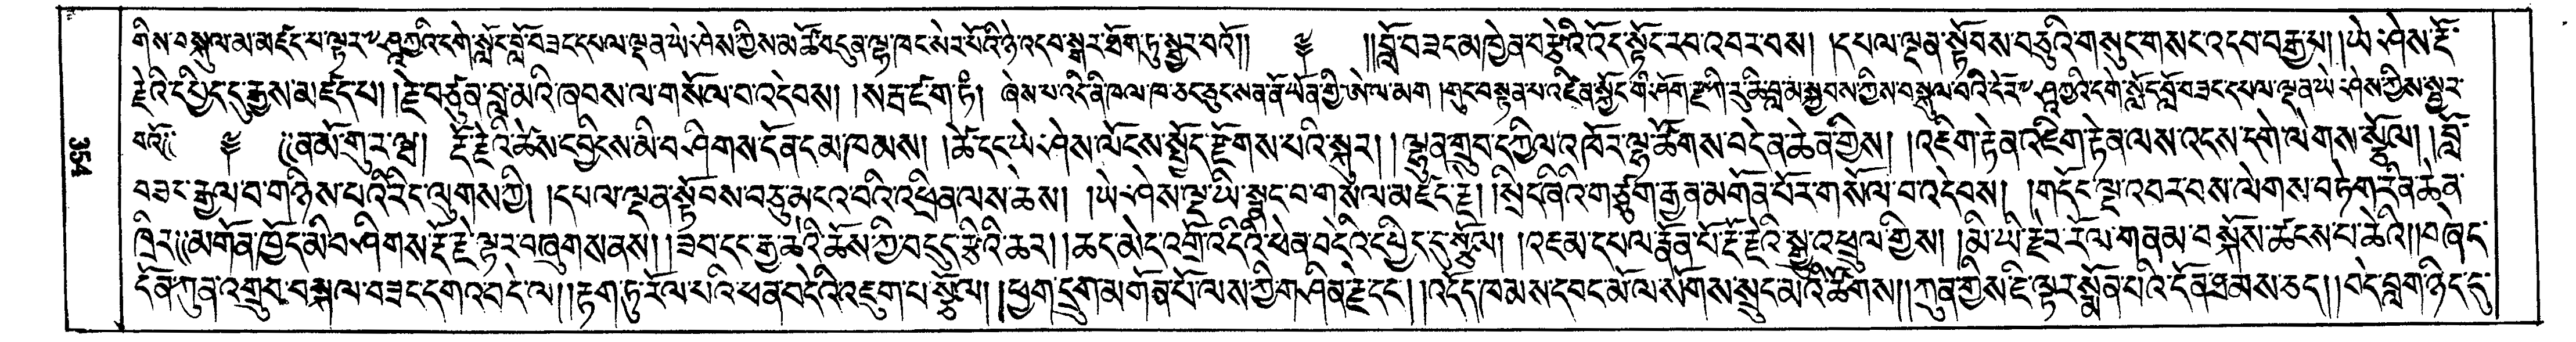གིས་བསྐུལ་མ་མཛད་པ་ལྟར་ཤཱཀྱའི་དགེ་སློང་བློ་བཟང་དཔལ་ལྡན་ཡེ་ཤེས་ཀྱིས་མཚོ་བདུན་ལྷ་ཁང་སེར་པོའི་ཉེ་འདབ་སྒར་ཐོག་ཏུ་སྦྱར་བའོ།། ༈ །།བློ་བཟང་མཁྱེན་བརྩེའི་འོད་སྟོང་རབ་འབར་བས། །དཔལ་ལྡན་སྟོབས་བཅུའི་གསུང་གསང་འདབ་བརྒྱ་པ། །ཡེ་ཤེས་རྡོ་
རྗེའི་དཔྱིད་དུ་རྒྱས་མཛད་པ། །རྗེ་བཙུན་བླ་མའི་ཞབས་ལ་གསོལ་བ་འདེབས། །སརྦ་ཛག་ཏཾ། ཞེས་པ་འདི་ནི་ཁལ་ཁ་ཅད་ཅུང་སན་ནོ་ཡོན་གྱི་ཨེལ་མག །གུང་བསྟན་པ་འཛིན་སྐྱོང་གི་ཤོག་རྫ་ཀི་རུ་ཆི་བླ་མ་སྐྱབས་ཀྱིས་བསྐུལ་བའི་བོར་ཤཱཀྱའི་དགེ་སློང་བློས་བཟང་དཔལ་ལྡན་ཡེ་ཤེས་ཀྱིས་སྦྱར་
བའོ༑༑ ༈ ༑༑ན་མོ་གུར་ཝེ། རྡོ་རྗེའི་ཆོས་དབྱིངས་མི་བཤིགས་དོན་དམ་ཁམས། །ཚེ་དང་ཡེ་ཤེས་ལོངས་སྤྱོད་རྫོགས་པའི་སྐུར། །ལྷུན་གྲུབ་དཀྱིལ་འཁོར་ལྷ་ཚོགས་བདེན་ཆེན་གྱིས། །འཇིག་རྟེན་འཇིག་རྟེན་ལས་འདས་དགེ་ལེགས་སྩོལ། །བློ་
བཟང་རྒྱལ་བ་གཉིས་པའི་རིང་ལུགས་ཀྱི། །དཔལ་ལྡན་སྟོབས་བཅུ་མངའ་བའི་འཕྲིན་ལས་ཆེས། །ཡེ་ཤེས་ལྔ་ཡི་སྣང་བ་གསལ་མཛད་རྗེ། །སྲིད་ཞིའི་གཙུག་རྒྱན་མགོན་པོར་གསོལ་བ་འདེབས། །གདོང་ལྔ་འབར་བས་ལེགས་བཏེག་རིན་ཆེན་
ཁྲིར༑ ༑མགོན་ཁྱོད་མི་བཤིགས་རྡོ་རྗེ་ལྟར་བཞུགས་ནས། །ཟབ་དང་རྒྱ་ཆེའི་ཆོས་ཀྱི་བདུད་རྩིའི་ཆར། །ཆད་མེད་འགྲོ་འདིའི་ཕན་བདེའི་དཔྱིད་དུ་སྩོལ། །འཇམ་དཔལ་རྣོན་པོ་རྡོ་རྗེའི་སྒྱུ་འཕྲུལ་གྱིས། །མི་ཡི་རྗེར་རོལ་གནམ་བསྐོས་ཚངས་པ་ཆེའི། །བཞེད་
དོན་ཀུན་འགྲུབ་བསྐལ་བཟང་དགའ་བདེ་ལ། །རྟག་ཏུ་རོལ་པའི་ཕན་བདེའི་འཇུག་པ་སྩོལ། །ཕྱག་དྲུག་མགོན་པོ་ལས་ཀྱི་གཤིན་རྗེ་དང་། །འདོད་ཁམས་དབང་མོ་ལ་སོགས་སྲུང་མའི་ཚོགས། །ཀུན་གྱིས་ཇི་ལྟར་སྨོན་པའི་དོན་ཐམས་ཅད། །བདེ་བླག་ཉིད་དུ་